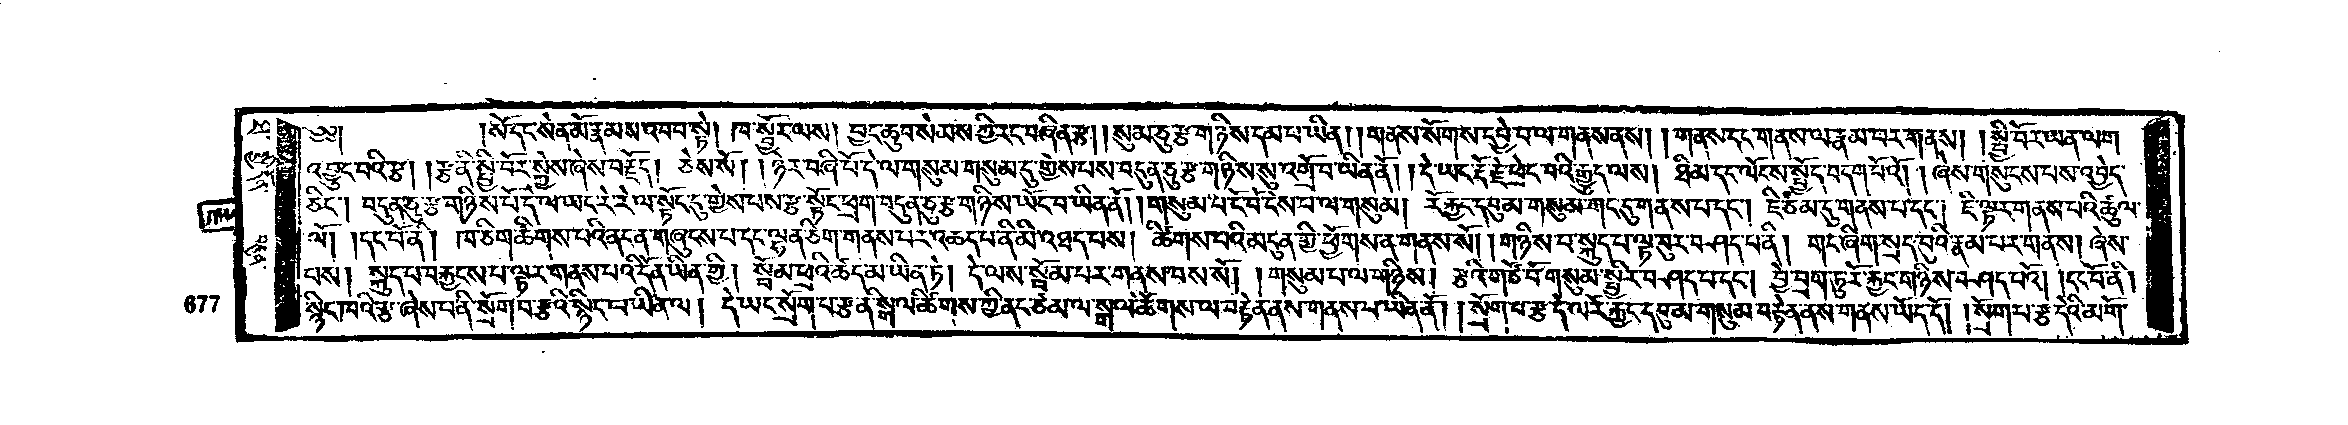༄༅། །སོ་དང་སེན་མོ་རྣམས་འབབ་སྟེ། ཁ་སྦྱོར་ལས། བྱང་ཆུབ་སེམས་ཀྱི་རང་བཞིན་རྩ། །སུམ་ཅུ་རྩ་གཉིས་དམ་པ་ཡིན། །གནས་སོགས་དབྱེ་བ་ལ་གནས་ནས། །གནས་དང་གནས་ལ་རྣམ་པར་གནས། །སྤྱི་བོར་ཡན་ལག་
འབྱུང་བའི་རྩ། །རྩ་ནི་སྤྱི་བོར་སྐྱེས་ཞེས་བརྗོད། ཅེས་སོ། །ཉེར་བཞི་པོ་དེ་ལ་གསུམ་གསུམ་དུ་གྱེས་པས་བདུན་ཅུ་རྩ་གཉིས་སུ་འགྲོ་བ་ཡིན་ནོ། །དེ་ཡང་རྡོ་རྗེ་ཕྲེང་བའི་རྒྱུད་ལས། ཐིམ་དང་ལོངས་སྤྱོད་བདག་པོའོ། །ཞེས་གསུངས་པས་འབྱེད་
ཅིང་། བདུན་ཅུ་རྩ་གཉིས་པོ་དེ་ལ་ཡང་རེ་རེ་ལ་སྟོང་དུ་གྱེས་པས་རྩ་སྟོང་ཕྲག་བདུན་ཅུ་རྩ་གཉིས་ཡོང་བ་ཡིན་ནོ། །གསུམ་པ་ངོ་བོ་ངེས་པ་ལ་གསུམ། རོ་རྐྱང་དབུ་མ་གསུམ་གང་དུ་གནས་པ་དང་། ཇི་ཙམ་དུ་གནས་པ་དང་། ཇི་ལྟར་གནས་པའི་ཚུལ་
ལོ། །དང་པོ་ནི། ཁ་ཅིག་ཚིགས་པའི་ནང་ན་གཞུངས་པ་དང་ལྷན་ཅིག་གནས་པར་འཆད་པ་ནི་མི་འཐད་པས། ཚིགས་པའི་མདུན་གྱི་ཕྱོགས་ན་གནས་སོ། །གཉིས་པ་སྐུད་པ་ལྟ་བུར་བཤད་པ་ནི། གང་ཞིག་སྲད་བུའི་རྣམ་པར་གནས། ཞེས་
པས། སྐུད་པ་བརྐྱངས་པ་ལྟར་གནས་པའི་དོན་ཡིན་གྱི། སྦོམ་ཕྲའི་ཚད་མ་ཡིན་ཏེ། དེ་ལས་སྦོམ་པར་གནས་བས་སོ། །གསུམ་པ་ལ་གཉིས། རྩའི་གཙོ་བོ་གསུམ་སྤྱིར་བཤད་པ་དང་། བྱེ་བྲག་ཏུ་རོ་རྐྱང་གཉིས་བཤད་པའོ། །དང་པོ་ནི།
སྙིང་ཁའི་རྩ་ཞེས་པ་ནི་སྲོག་པ་རྩའི་སྙིང་ཁ་ཡིན་ལ། དེ་ཡང་སྲོག་པ་རྩ་ནི་སྒལ་ཚིགས་ཀྱི་ནང་ཙམ་ལ་སྒལ་ཚིགས་ལ་བརྟེན་ནས་གནས་པ་ཡིན་ནོ། །སྲོག་པ་རྩ་དེ་ལ་རོ་རྐྱང་དབུ་མ་གསུམ་བརྟེན་ནས་གནས་ཡོད་དོ། །སྲོག་པ་རྩ་དེའི་མགོ་